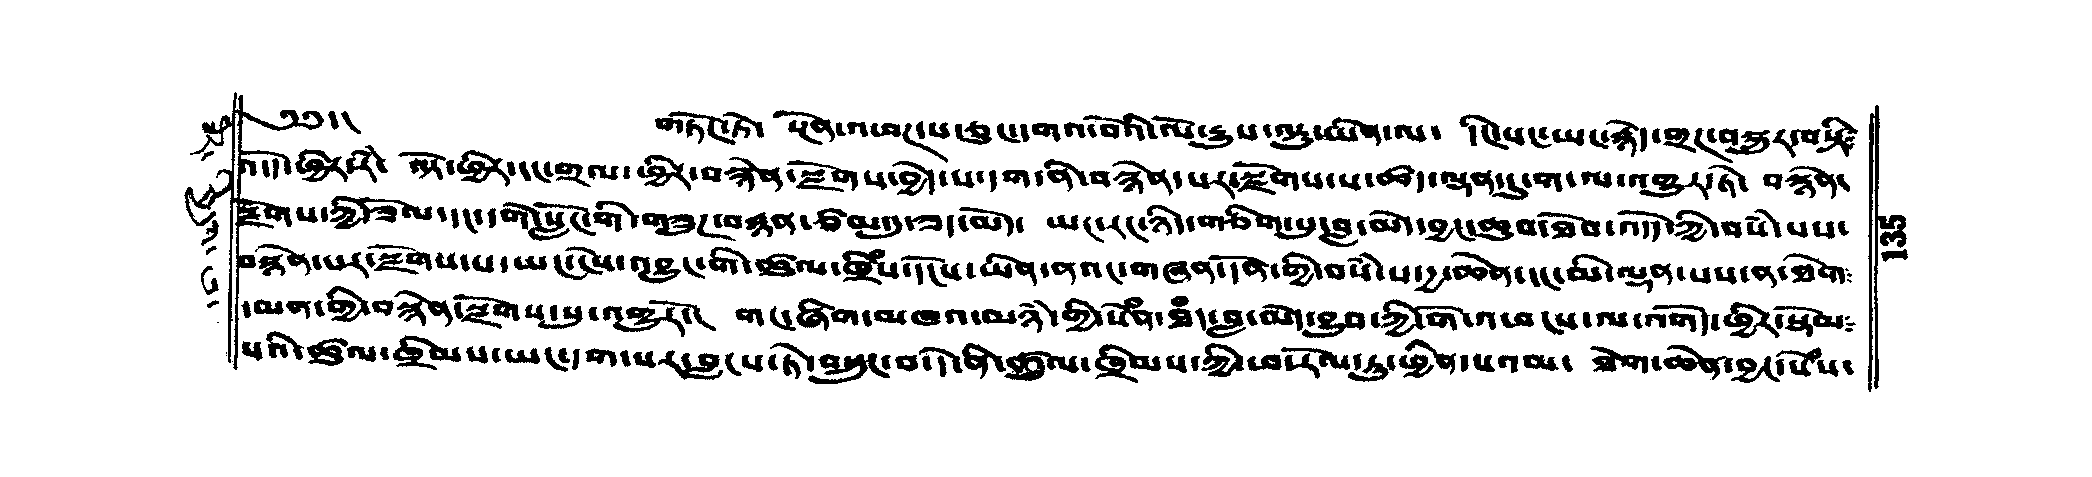གཏོགས་ཏེ། སྔོན་འཕགས་པཅུང་དགའ་བོའི་ལོ་རྒྱུས་ལྟ་བུ་ཡིན་ལ། དིང་སང་ཡང་རྙེད་གྲགས་བསྐུར་བསྟི་
འདོད་ཕྱིར་རམ། ལྟོ་ཕྱིར་དང་གྲལ་ཕྱིར་བསྙེན་རྫོགས་བྱེད་དག་ནི་བསྙེན་པར་རྫོགས་ཚད་ལྡན་དུ་པག་ལ་འགྱུར་ཏེ། བསྙེན་
རྫོགས་ཀྱི་ཟོལ་དང་དགེ་སློང་གི་གཟུགས་བརྙན་ཙམ་དུ་ཟད་མོད། ཡང་རང་ཉིད་གཅིག་པ་ུཔབླ་མེད་བྱང་ཆུབ་ཐོབ་འདོད་ཀྱི་བསམཔ་སཔ་
བསྙེན་པར་རྫོགས་པ་ཡང་ངེས་འབྱུང་གི་ཚུལ་ཁྲིམས་དངོས་ཡིན་ནའང་གཞན་དོན་གྱི་བསམ་རྒྱ་ཆེན་དང་མི་ལྡནཔ་སན་ཐེག་པ་
དམན་གྱི་བསྙེན་རྫོགས་སུ་འགྱུར་རོ། གང་ཞིག་མཁའ་མཉམ་གྱི་སེམས་ཐམས་ཅད་བླ་མེད་པ་བྱང་ཆུབ་ཀྱི་གོ་འཕང་ལ་འགོད་ཕྱིརཔསྡོམ་
པའིཔཚུལཔཁྲིམསཔཡངཔདགཔ་རཔབླངསཔཏེཔབསྲུངཔབཔདེཔནིཔཚུལཔཁྲིམསཔཀྱིཔཕཔརོལཔཏཔཕྱིནཔ་འམ། ཐེགཔཆེནཔབྱངཔསེམསཔ